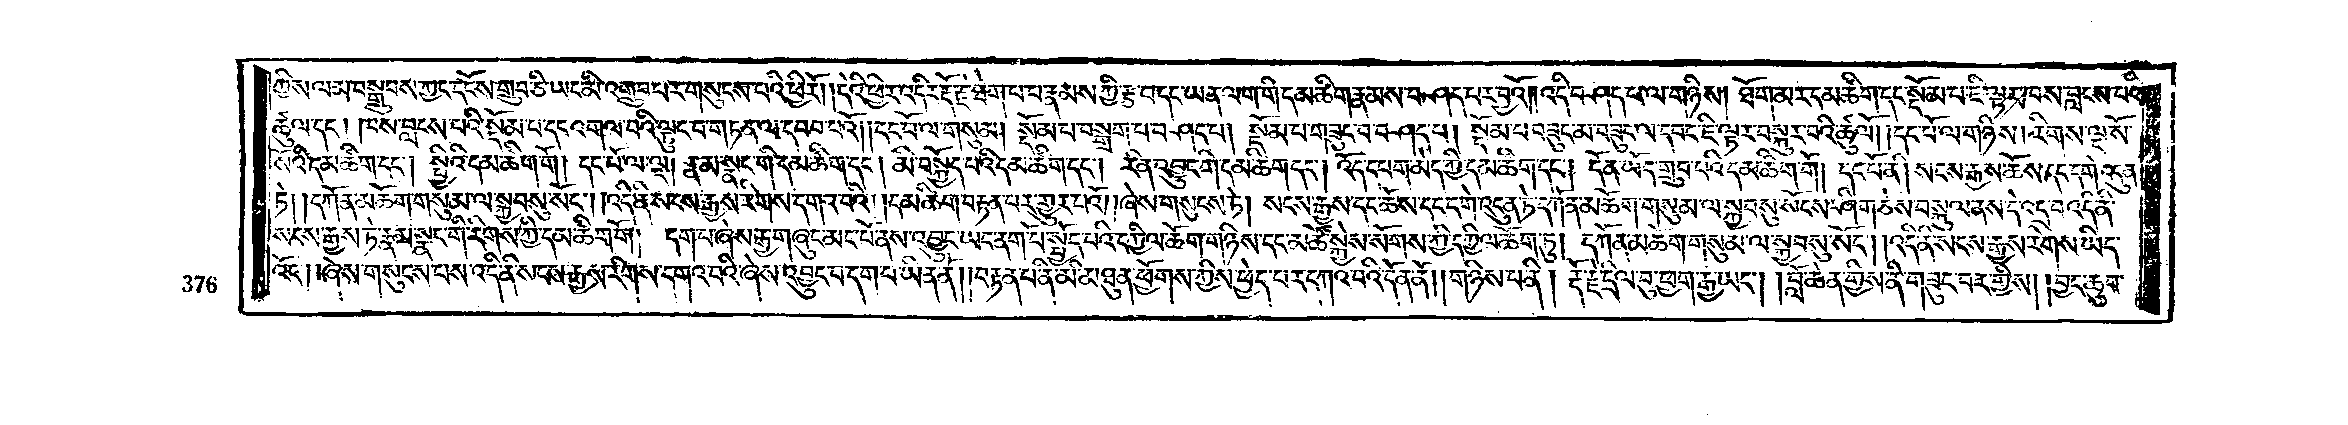ཀྱིས་ལམ་བསྒྲུབས་ཀྱང་དངོས་གྲུབ་ཅི་ཡང་མི་འགྲུབ་པར་གསུངས་པའི་ཕྱིར་རོ། །དེའི་ཕྱིར་འདིར་རྡོ་རྗེ་ཐེག་པ་པ་རྣམས་ཀྱི་རྩ་བ་དང་ཡན་ལག་གི་དམ་ཚིག་རྣམས་བཤད་པར་བྱའོ། །འདི་བཤད་པ་ལ་གཉིས། ཐོག་མར་དམ་ཚིག་དང་སྡོམ་པ་ཇི་ལྟར་ཁས་བླངས་པའི་
ཚུལ་དང་། ཁས་བླངས་པའི་སྡོམ་པ་དང་འགལ་བའི་ལྟུང་བ་གཏན་ལ་དབབ་པའོ། །དང་པོ་ལ་གསུམ། སྡོམ་པ་བསྒྲག་པ་བཤད་པ། སྡོམ་པ་གཟུང་བ་བཤད་པ། སྡོམ་པ་བཟུང་མ་བཟུང་ལ་དབང་ཇི་ལྟར་བསྐུར་བའི་ཚུལ་ལོ། །དང་པོ་ལ་གཉིས། རིགས་ལྔ་སོ་
སོའི་དམ་ཚིག་དང་། སྤྱིའི་དམ་ཚིག་གོ། དང་པོ་ལ་ལྔ། རྣམ་སྣང་གི་དམ་ཚིག་དང་། མི་བསྐྱོད་པའི་དམ་ཚིག་དང་། རིན་འབྱུང་གི་དམ་ཚིག་དང་། འོད་དཔག་མེད་ཀྱི་དམ་ཚིག་དང་། དོན་ཡོད་གྲུབ་པའི་དམ་ཚིག་གོ། དང་པོ་ནི། སངས་རྒྱས་ཆོས་དང་དགེ་འདུན་
ཏེ། །དཀོན་མཆོག་གསུམ་ལ་སྐྱབས་སུ་སོང་། །འདི་ནི་སངས་རྒྱས་རིགས་དགའ་བའི། །དམ་ཚིག་བརྟན་པར་གྱུར་པའོ། །ཞེས་གསུངས་ཏེ། སངས་རྒྱས་དང་ཆོས་དང་དགེ་འདུན་ཏེ་དཀོན་མཆོག་གསུམ་ལ་སྐྱབས་སུ་སོངས་ཤིག་ཅེས་བསྐུལ་ནས་དེ་འདྲ་བ་འདི་ནི་
སངས་རྒྱས་ཏེ་རྣམ་སྣང་གི་རིགས་ཀྱི་དམ་ཚིག་གོ། དག་པ་ཞེས་རྒྱ་གཞུང་མང་པོ་ནས་འབྱུང་ཡང་ནག་པོ་སྤྱོད་པའི་དཀྱིལ་ཆོག་གཉིས་དང་མཚོ་སྐྱེས་སོགས་ཀྱི་དཀྱིལ་ཆོག་ཏུ། དཀོན་མཆོག་གསུམ་ལ་སྐྱབས་སུ་སོང་། །འདི་ནི་སངས་རྒྱས་རིགས་ཡིད་
འོང་། །ཞེས་གསུངས་པས་འདི་ནི་སངས་རྒྱས་རིགས་དགའ་བའི་ཞེས་འབྱུང་བ་དག་པ་ཡིན་ནོ། །བརྟན་པ་ནི་མི་མཐུན་ཕྱོགས་ཀྱིས་ཕྱེད་པར་དཀའ་བའི་དོན་ནོ། །གཉིས་པ་ནི། རྡོ་རྗེ་དྲིལ་བུ་ཕྱག་རྒྱ་ཡང་། །བློ་ཆེན་གྱིས་ནི་གཟུང་བར་གྱིས། །བྱང་ཆུབ་